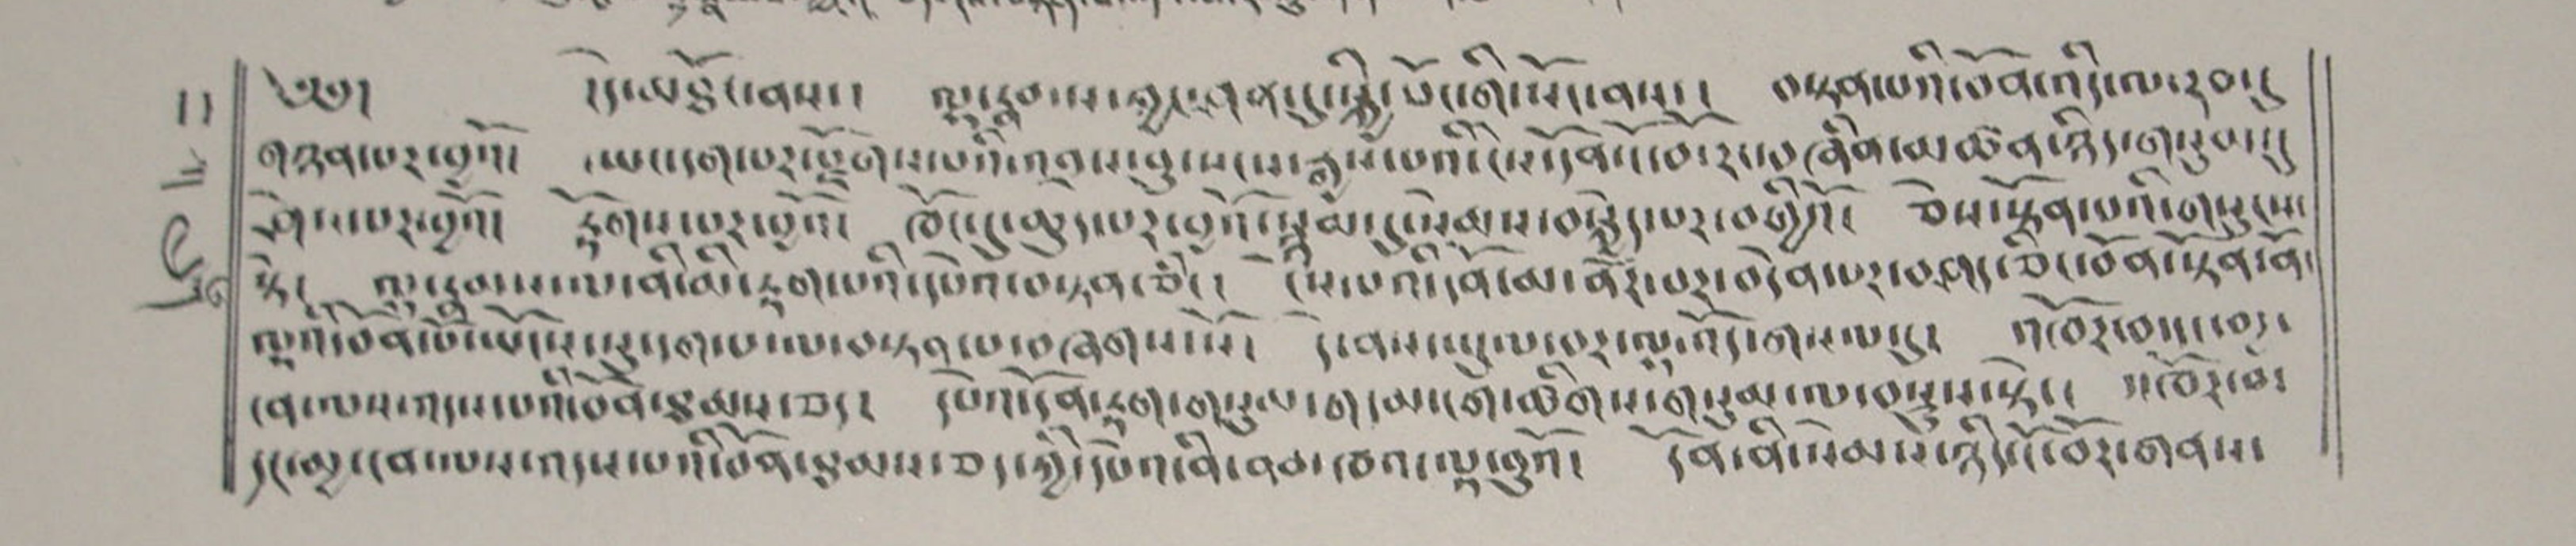༄༅། །དེ་མཐོང་ནས། ལྷ་རྣམས་ཀྱང་ཤིན་ཏུ་སྐྱི་བོང་གི་སོང་ནས། བསྟན་པའི་བོན་འདི་ལ་རབ་ཏུ་
མཉན་པར་བྱའོ། །ཡང་དག་པར་རྫོགས་པའི་འབྲས་བུ་སངས་རྒྱས་པའི་ངེས་དོན་ངོ་བོ་རང་བཞིན་མཚན་ཉིད་གསུམ་དུ་
ཤེས་པར་བྱའོ། །རྟོགས་པར་བྱའོ། །ཁོང་དུ་ཆུད་པར་བྱའོ་སྙམ་དུ་སེམས་བསྐྱེད་པར་བགྱིའོ། །ཞེས་སྟོན་པའི་གསུངས་
ཏེ། ལྷ་རྣམས་ལ་ནི་མི་རྟག་པའི་དཔེའ་བསྟན་ཅིང་ངེས་པའི་དོན་མ་ནོར་བར་བདེན་པར་བཤད་ཅིང་བོན་སྟོན་ནོ། 
།ལྷའི་བོན་པོ་ཡོངས་སུ་དག་པ་ལ་བསྟན་པ་བཞགས་སོ། དེ་ནས་ཡུལ་བར་ལྷ་འོད་གསལ་དུ། འཁོར་བ་དང་མྱ་
ངན་ལས་འདས་པའི་བོན་ཐམས་ཅད། དཔེའ་དོན་རྟགས་གསུམ་གདམས་ངག་ཚིག་གསུམ་ལ་བསྡུས་ཏེ། འཁོར་བ་
དང་མྱ་ངན་ལས་འདས་པའི་བོན་ཐམས་ཅད་ཀྱི་དཔེའ་ནི་ནམ་མཁའ་ལྟ་བུའོ། །དོན་ནི་སེམས་ཉིད་ངོ་བོར་གནས།